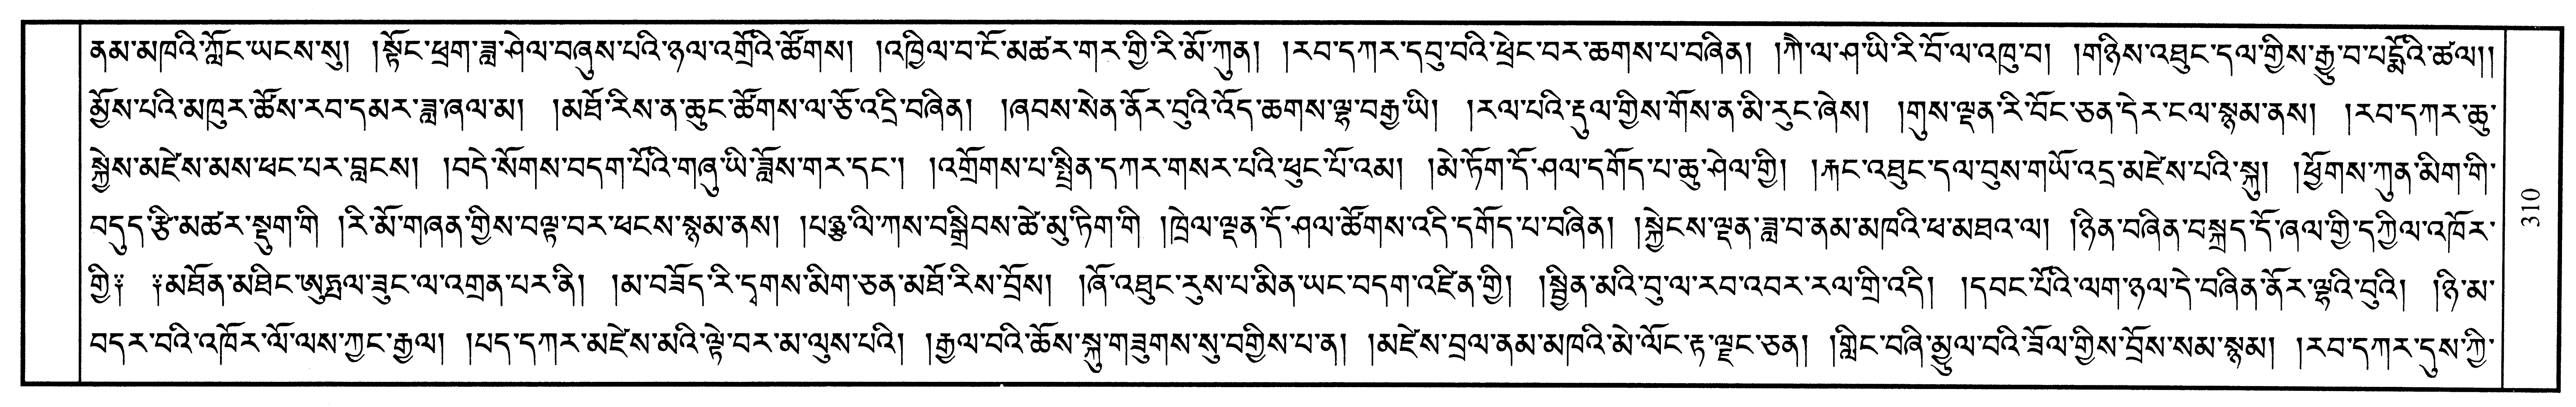ནམ་མཁའི་ཀློང་ཡངས་སུ། །སྟོང་ཕྲག་ཟླ་ཤེལ་བཞུས་པའི་ཉལ་འགྲོའི་ཚོགས། །འཁྱིལ་བ་ངོ་མཚར་གར་གྱི་རི་མོ་ཀུན། །རབ་དཀར་དབུ་བའི་ཕྲེང་བར་ཆགས་པ་བཞིན། །ཀཻ་ལ་ཤ་ཡི་རི་བོ་ལ་འཁུ་བ། །གཉིས་འཐུང་དལ་གྱིས་རྒྱུ་བ་པདམོའི་ཚལ།།
མྱོས་པའི་མཁུར་ཚོས་རབ་དམར་ཟླ་ཞལ་མ། །མཐོ་རིས་ན་ཆུང་ཚོགས་ལ་ཅོ་འདྲི་བཞིན། །ཞབས་སེན་ནོར་བུའི་འོད་ཆགས་ལྷ་བརྒྱ་ཡི། །རལ་པའི་རྡུལ་གྱིས་གོས་ན་མི་རུང་ཞེས། །གུས་ལྡན་རི་བོང་ཅན་དེར་ངལ་སྙམ་ནས། །རབ་དཀར་ཆུ་
སྐྱེས་མཛེས་མས་ཕང་པར་བླངས། །བདེ་སོགས་བདག་པོའི་གཞུ་ཡི་ཟློས་གར་དང་། །འགྲོགས་པ་སྤྲིན་དཀར་གསར་པའི་ཕུང་པོ་འམ། མེ་ཏོག་དོ་ཤལ་དགོད་པ་ཆུ་ཤེལ་གྱི། །རྐང་འཐུང་དལ་བུས་གཡོ་འདྲ་མཛེས་པའི་སྐུ། །ཕྱོགས་ཀུན་མིག་གི་
བདུད་རྩི་མཚར་སྡུག་གི །རི་མོ་གཞན་གྱིས་བལྟ་བར་ཕངས་སྙམ་ནས། །པཉྩ་ལི་ཀས་བསྒྲིབས་ཚེ་མུ་ཏིག་གི །ཁྲེལ་ལྡན་དོ་ཤལ་ཚོགས་འདི་དགོད་པ་བཞིན། །སྐྱེངས་ལྡན་ཟླ་བ་ནམ་མཁའི་ཕ་མཐའ་ལ། །ཉིན་བཞིན་བསྐྲད་དོ་ཞལ་གྱི་དཀྱིལ་འཁོར་
གྱི༑ ༑མཐོན་མཐིང་ཨུཏྤལ་ཟུང་ལ་འགྲན་པར་ནི། །མ་བཟོད་རི་དྭགས་མིག་ཅན་མཐོ་རིས་བྲོས། །ཞོ་འཐུང་རུས་པ་མིན་ཡང་བདག་འཛིན་གྱི། །སྦྱིན་མའི་བུ་ལ་རབ་འབར་རལ་གྲི་འདི། །དབང་པོའི་ལག་ཉལ་དེ་བཞིན་ནོར་ལྷའི་བུའི། །ཉི་མ་
བདར་བའི་འཁོར་ལོ་ལས་ཀྱང་རྒྱལ། །པད་དཀར་མཛེས་མའི་ལྟེ་བར་མ་ལུས་པའི། །རྒྱལ་བའི་ཆོས་སྐུ་གཟུགས་སུ་བགྱིས་པ་ན། །མཛེས་བྲལ་ནམ་མཁའི་མེ་ལོང་རྟ་ལྗང་ཅན། །གླིང་བཞི་མྱུལ་བའི་ཟོལ་གྱིས་བྲོས་སམ་སྙམ། །རབ་དཀར་དུས་ཀྱི་